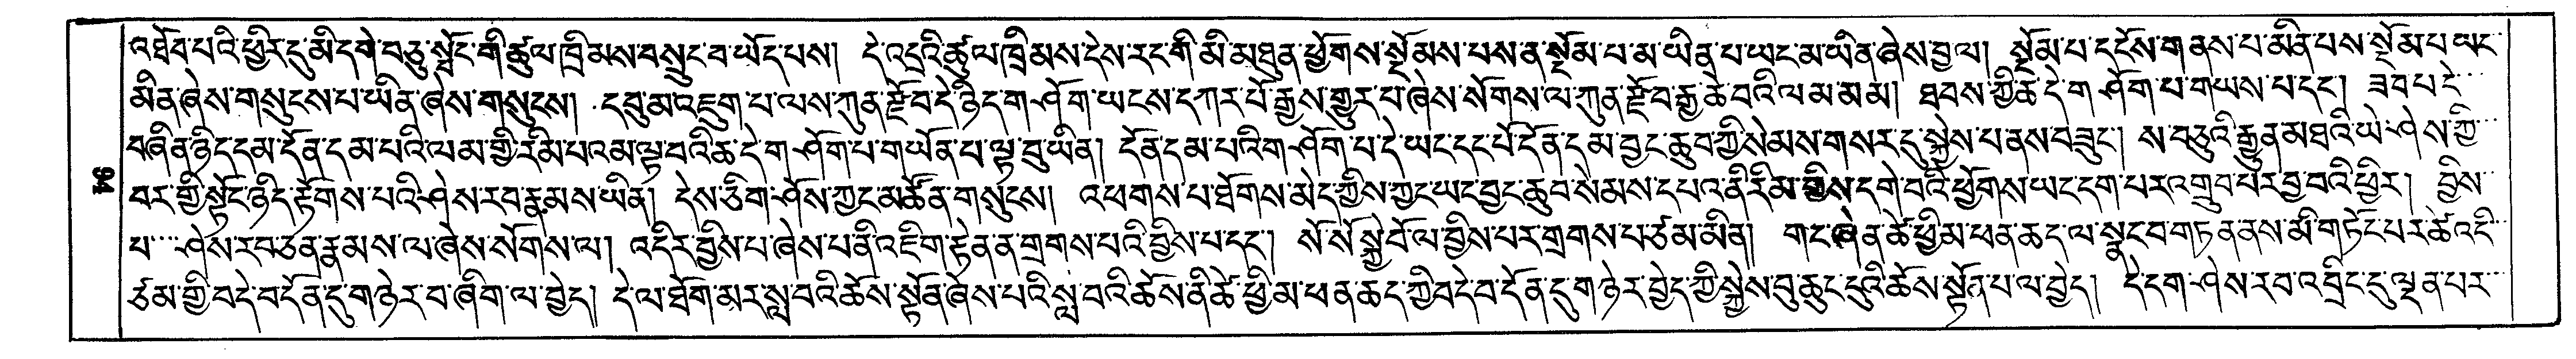འཐོབ་པའི་ཕྱིར་དུ་མི་དགེ་བཅུ་སྦོང་གི་ཚུལ་ཁྲིམས་བསྲུང་བ་ཡོད་པས། དེ་འདྲའི་ཚུལ་ཁྲིམས་དེས་རང་གི་མི་མཐུན་ཕྱོགས་སྡོམས་པས་ན་སྡོམ་པ་མ་ཡིན་པ་ཡང་མ་ཡིན་ཞེས་བྱ་ལ། སྡོམ་པ་དངོས་གནས་པ་མིན་པས་སྡོམ་པ་ཡང་
མིན་ཞེས་གསུངས་པ་ཡིན་ཞེས་གསུངས། དབུ་མ་འཇུག་པ་ལས་ཀུན་རྫོབ་དེ་ཉིད་གཤོག་ཡངས་དཀར་པོ་རྒྱས་གྱུར་བ་ཞེས་སོགས་ལ་ཀུན་རྫོབ་རྒྱ་ཆེ་པའི་ལམ་མམ། ཐབས་ཀྱི་ཆེ་དེ་གཤོག་པ་གཡས་པ་དང་། ཟབ་པ་དེ་
བཞིན་ཉིད་དམ་དོན་དམ་པའི་ལམ་གྱི་རིམ་པའམ་ལྟ་བའི་ཆ་དེ་གཤོག་པ་གཡོན་པ་ལྟ་བུ་ཡིན། དོན་དམ་པའི་གཤོག་པ་དེ་ཡང་དང་པོ་དོན་དམ་བྱང་ཆུབ་ཀྱི་སེམས་གསར་དུ་སྐྱེས་པ་ནས་བཟུང་། ས་བཅུའི་རྒྱུན་མཐའི་ཡེ་ཤེས་ཀྱི་
བར་གྱི་སྟོང་ཉིད་རྟོགས་པའི་ཤེས་རབ་རྣམས་ཡིན། དེས་ཅིག་ཤོས་ཀྱང་མཚོན་གསུངས། འཕགས་པ་ཐོགས་མེད་ཀྱིས་ཀྱང་ཡང་བྱང་ཆུབ་སེམས་དཔའ་ནི་རིམ་གྱིས་དགེ་བའི་ཕྱོགས་ཡང་དག་པར་འགྲུབ་པར་བྱ་བའི་ཕྱིར། བྱིས་
པ་ཤེས་རབ་ཅན་རྣམས་ལ་ཞེས་སོགས་ལ། འདིར་བྱིས་པ་ཞེས་པ་ནི་འཇིག་རྟེན་ན་གྲགས་པའི་བྱིས་པ་དང་། སོ་སོ་སྐྱེ་བོ་ལ་བྱིས་པར་གྲགས་པ་ཙམ་མིན། གང་ཞེ་ན་ཚེ་ཕྱི་མ་ཕན་ཆད་ལ་སྣང་བ་གཏན་ནས་མི་གཏོང་བར་ཚེ་འདི་
ཙམ་གྱི་བདེ་བ་དོན་དུ་གཉེར་བ་ཞིག་ལ་བྱེད། དེ་ལ་ཐོག་མར་སླ་བའི་ཆོས་སྟོན་ཞེས་པའི་སླ་བའི་ཆོས་ནི་ཚེ་ཕྱི་མ་ཕན་ཆད་ཀྱི་བདེ་བ་དོན་དུ་གཉེར་བྱེད་ཀྱི་སྐྱེས་བུ་ཆུང་དུའི་ཆོས་སྟོན་པ་ལ་བྱེད། དེ་དག་ཤེས་རབ་འབྲིང་དུ་ལྡན་པར་